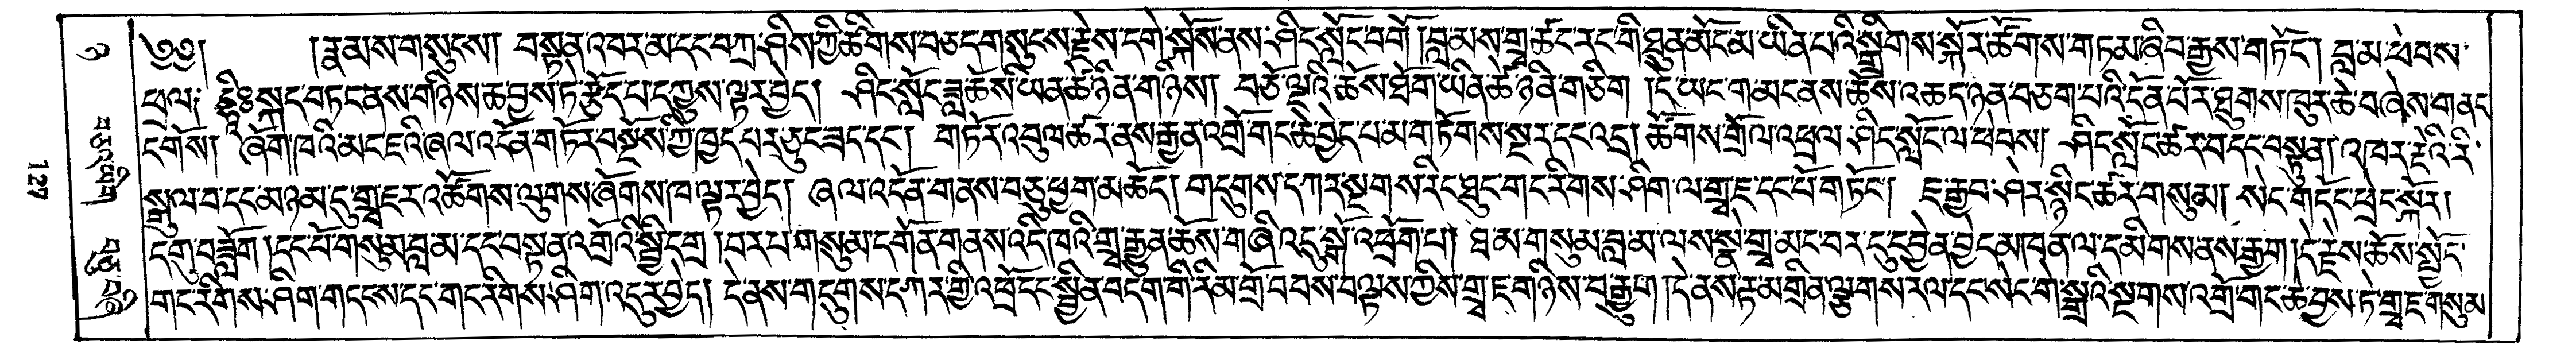༄༅། །རྣམས་གསུངས། བསྟན་འབར་མ་དང་བཀྲ་ཤིས་ཀྱི་ཚིགས་བཅད་གསུངས་རྗེས་དགེ་སྐོས་ནས་ཤིང་སློང་བགོ། །བླ་མས་གྲྭ་ཚང་རང་གི་ཐུན་མོང་མ་ཡིན་པའི་སྒྲིགས་སྐོར་ཚོགས་གཏམ་ཞིབ་རྒྱས་གཏོང་། བླ་མ་ཕེབས་
ཕྲལ༑ དྷཱིཿསྐད་བཏང་ནས་གཉིས་ཆ་བྱས་ཏེ་རྩོང་བ་དཀྱུས་ལྟར་བྱེད། ཤིང་སློང་ཟླ་ཆོས་ཡིན་ཚེ་ཉིན་གཉིས། བཅོ་ལྔའི་ཆོས་ཐོག་ཡིན་ཚེ་ཉིན་གཅིག །དེ་ཡང་གྲྭ་མང་ནས་ཆོས་འཆད་ཉན་བཅག་པའི་དོན་བོར་ཐུགས་ཁུར་ཆེ་བཞེས་གནང་
དགོས། ཞོག་ཁའི་མང་ཇའི་ཞལ་འདོན་གཏོར་བསྔོས་ཀྱི་ཁྱད་པར་ཅུང་ཟད་དང་། གཏོར་འབུལ་ཚར་ནས་རྒྱན་འགྲོ་གང་ཆེ་བྱེད་པ་མ་གཏོགས་སྔར་དང་འདྲ། ཚོགས་གྲོལ་འཕྲལ་ཤིང་སློང་ལ་ཕེབས། ཤིང་སློང་ཚར་བ་དང་བསྟུན། འཁར་རྡའི་རི་
སྒུལ་བ་དང་མཉམ་དུ་གྲྭ་ཇར་འཚོགས་ལུགས་ཞོགས་ཁ་ལྟར་བྱེད། ཞལ་འདོན་གནས་བཅུ་ཕྱག་མཆོད། གདུགས་དཀར་སྔགས་རིང་ཐུང་གང་རིགས་ཤིག་ལ་གྲྭ་ཇ་དང་པོ་གཏོང་། ཇ་རྒྱབ་ཤེར་སྙིང་ཚ་རེ་གསུམ། སེང་གདོང་ཕྲེང་སྐོར།
དགུ་བཟློག །དང་པོ་གསུམ་བླ་མ་དང་བསྟན་འགྲོའི་སྤྱི་དགྲ་།བར་པ་གསུམ་དགོན་གནས་འདི་ཁའི་གྲྭ་རྒྱུན་ཆོས་གཞི་འདུ་སྒོ་འཕྲོག་པ། ཐ་མ་གསུམ་བླ་མ་ལས་སྣེ་གྲྭ་མང་བར་དུ་དབྱེན་བྱེད་མཁན་ལ་དམིགས་ནས་རྒྱག །དེ་རྗེས་ཆོས་སྤྱོད་
གང་རིགས་ཤིག་གདངས་དང་གང་རིགས་ཤིག་འདུར་བྱེད། དེ་ནས་གདུགས་དཀར་གྱི་འཕྲོ་དང་སྦྱིན་བདག་གི་རིམ་གྲོ་བབས་བལྟས་ཀྱིས་གྲྭ་ཇ་གཉིས་པ་རྒྱུག །དེ་ནས་རྟ་མགྲིན་ལྕགས་རལ་དང་སེང་གེ་སྒྲའི་སྔགས་འགྲོ་གང་ཆེ་བྱས་ཏེ་གྲྭ་ཇ་གསུམ་